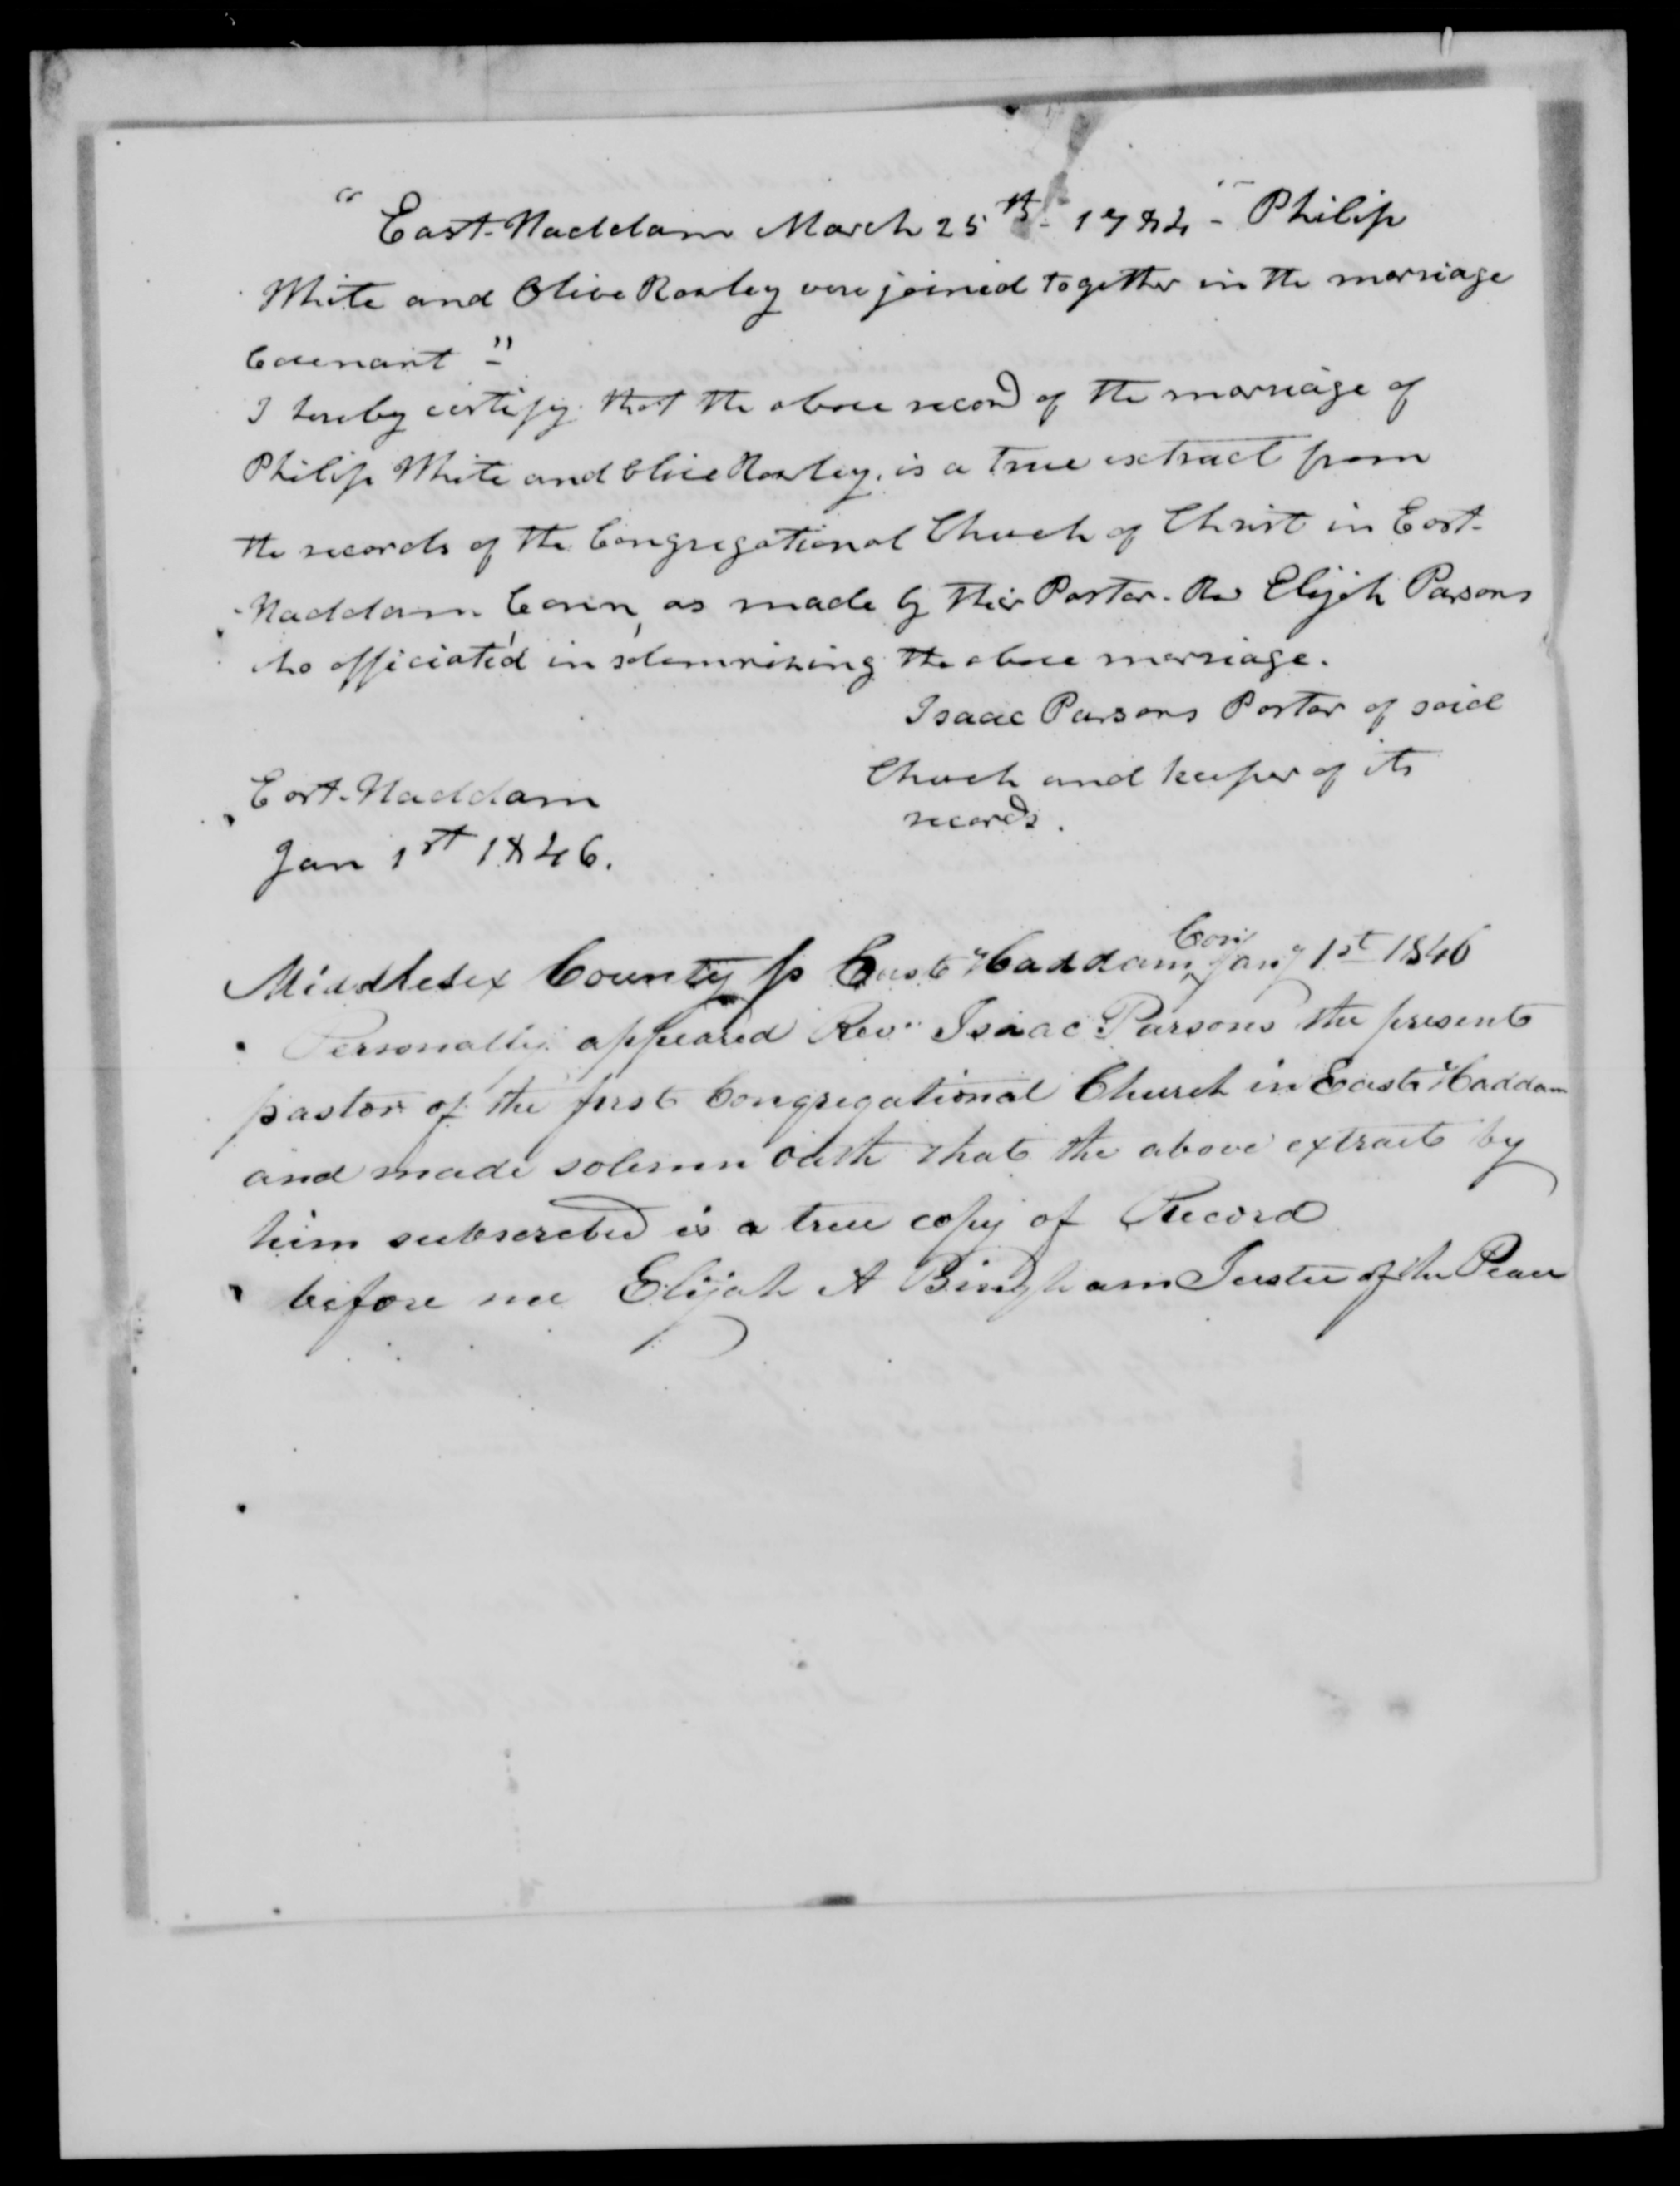"East Haddam March 25th 1784. Philip
White and Olive Rowley were joined together in the marriage
Covenant"
I hereby certify that the above record of the marriage of
Philip White and Alice Rowley, is a true extract from
the records of the Congregational Church of Christ in East
Haddam. Conn as made by this Pastor Rev Elijah Parsons
who officiated in solemnizing the above marriage.
Isaac Parsons Pastor of said
Church and keeper of its
records
East Haddam
Jan 1st 1846

Middlesex County Ss East Haddam [inserted: Conn on Jany 1st 1846
Personally appeared Rev. Isaac Parsons the present
pastor of the first Congregational Church in East Haddam
and made solemn oath that the above extract by
him subscribed is a true copy of Record
before me Elijah A Bingham Justice of the Peace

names: Isaac Parsons, Philip White, Elijah Parsons, Elijah A Bingham, Olive Rowley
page: 19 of 50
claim: widow's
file: W. 25,969, Philip White, Conn.